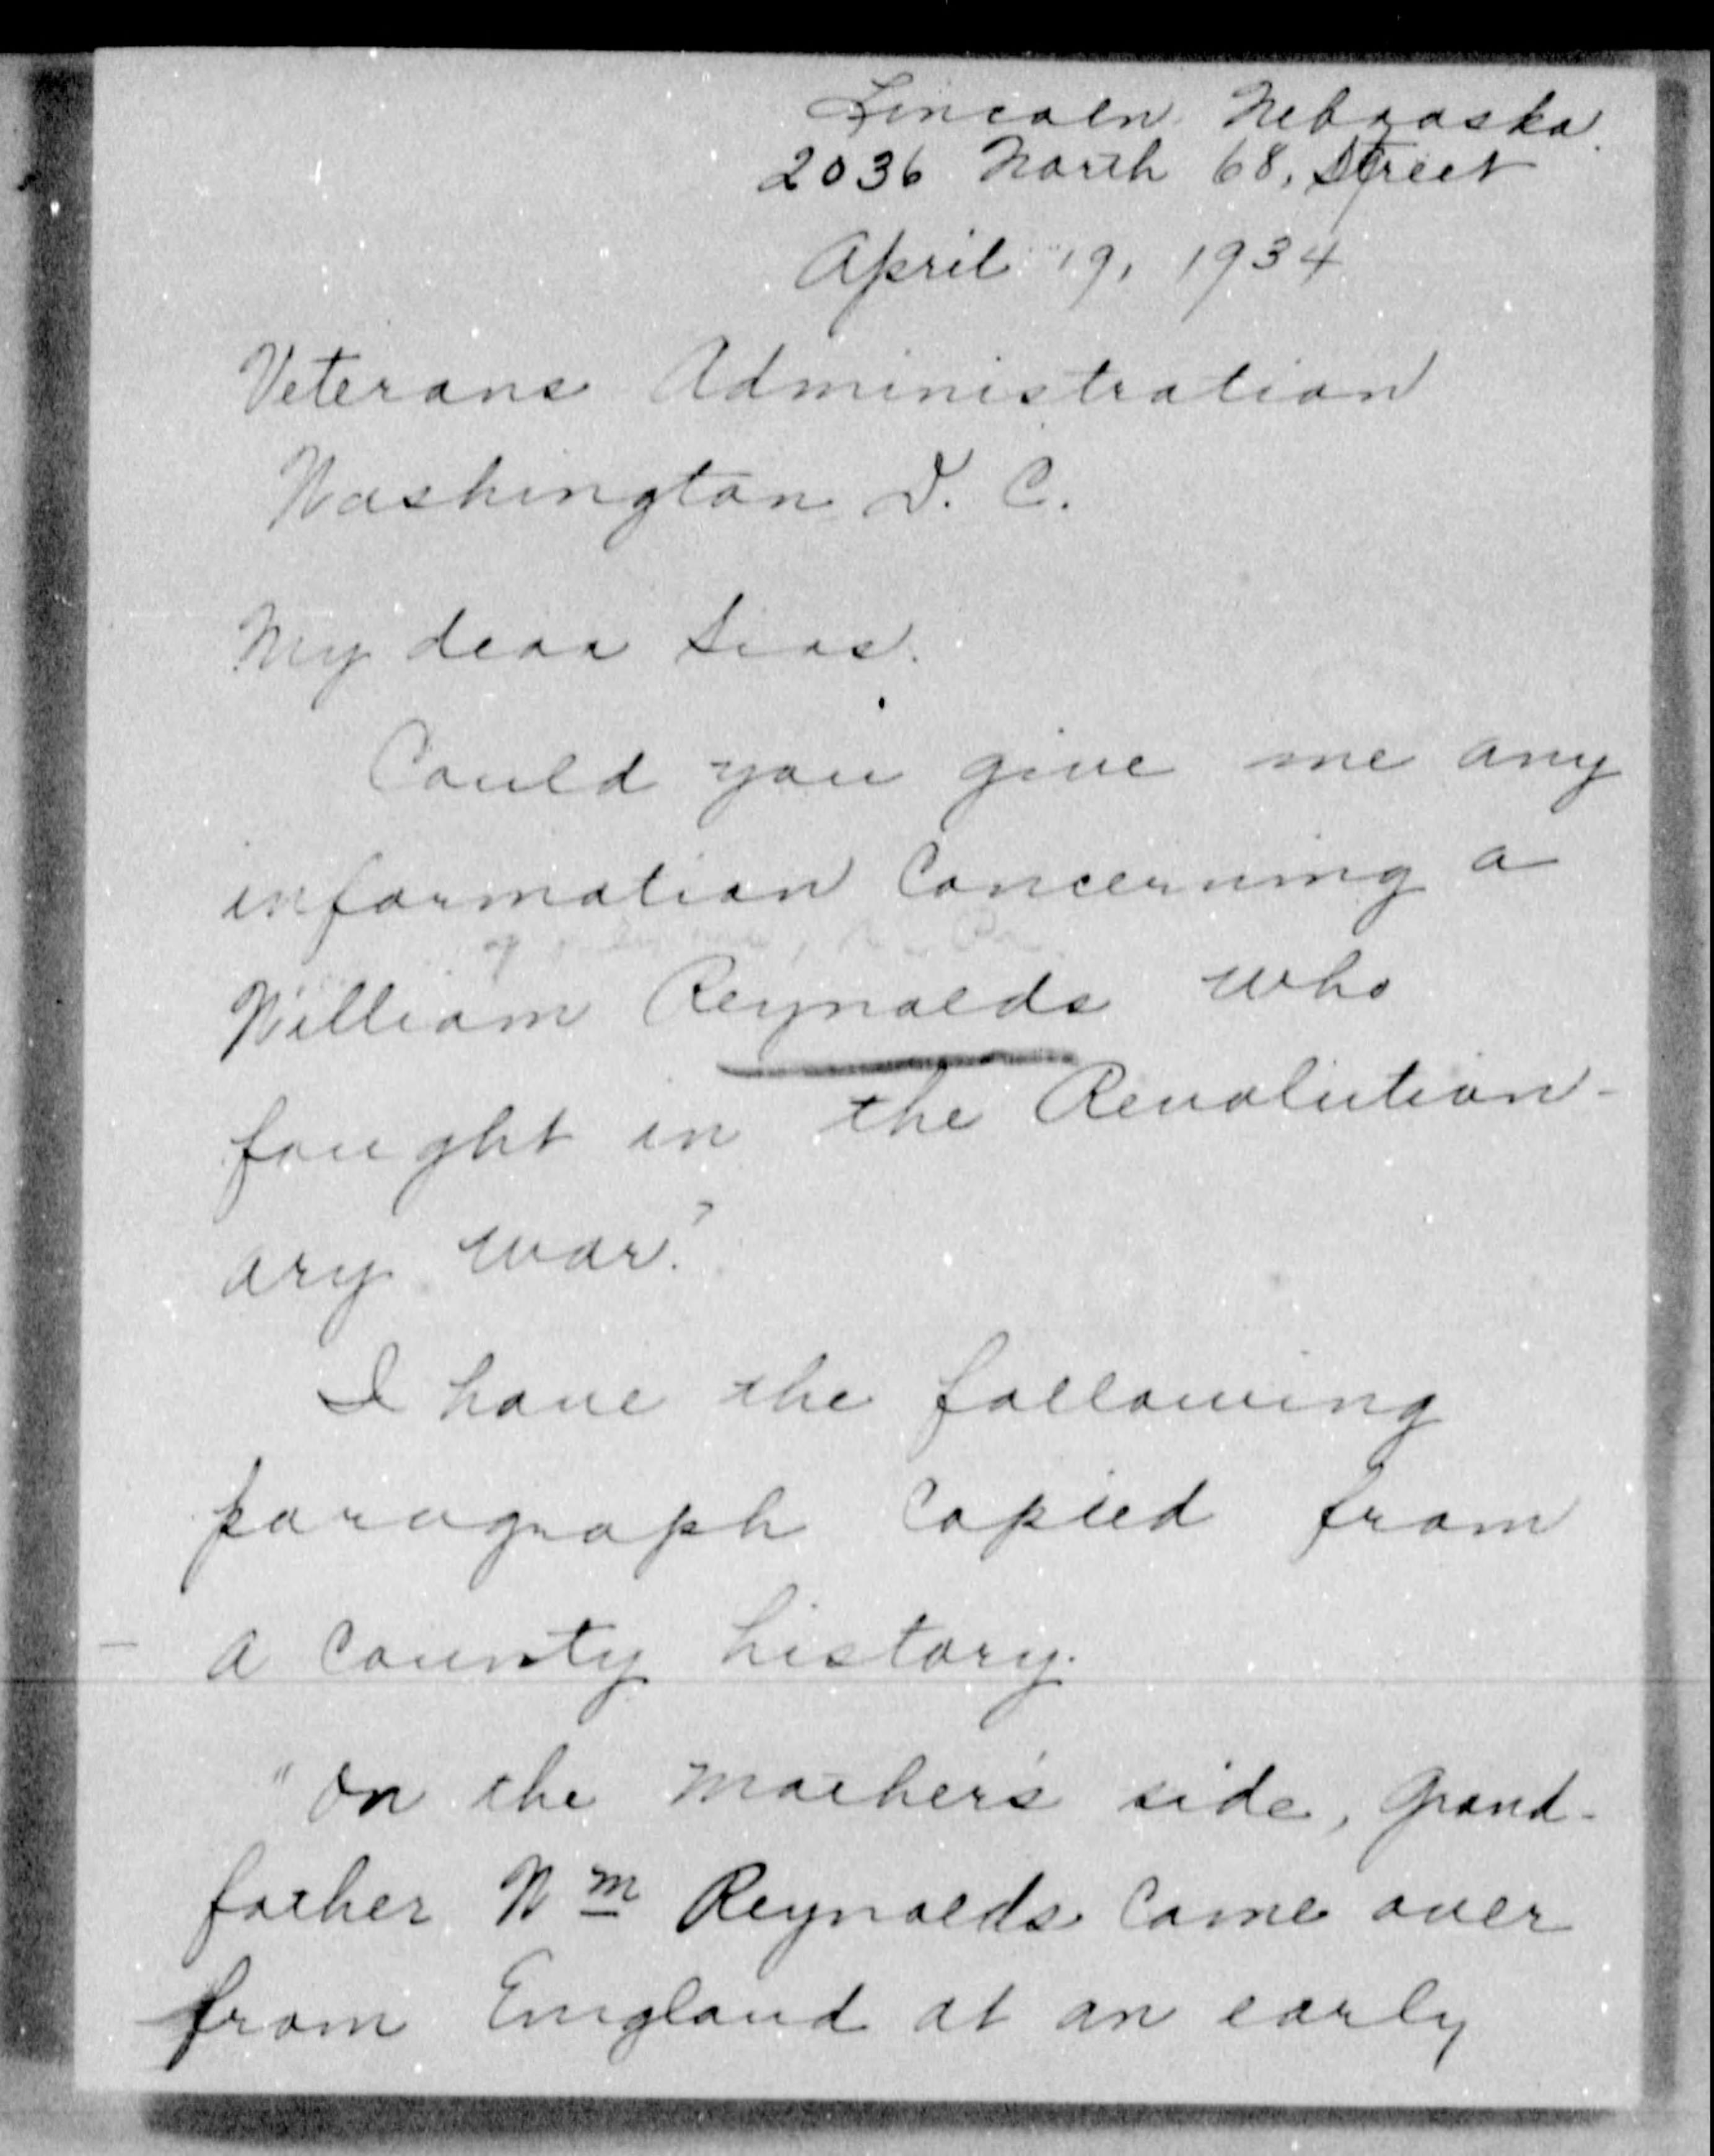Lincoln, Nebraska
2036 North 68, Street
April 19, 1934
Veterans Administration
Washington D.C
My dear Sirs,
Could you give me any
information concerning a
William Reynolds who
fought in the Revolutionary War.
I have the following
paragraph copied from
a County history.
"On the mother's side, grandfather
Wm Reynolds came over
from England at an early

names: William Reynolds; Wm Reynolds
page: 16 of 19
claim: survivor's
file: S. 14,273, for William Reynolds, Pennsylvania